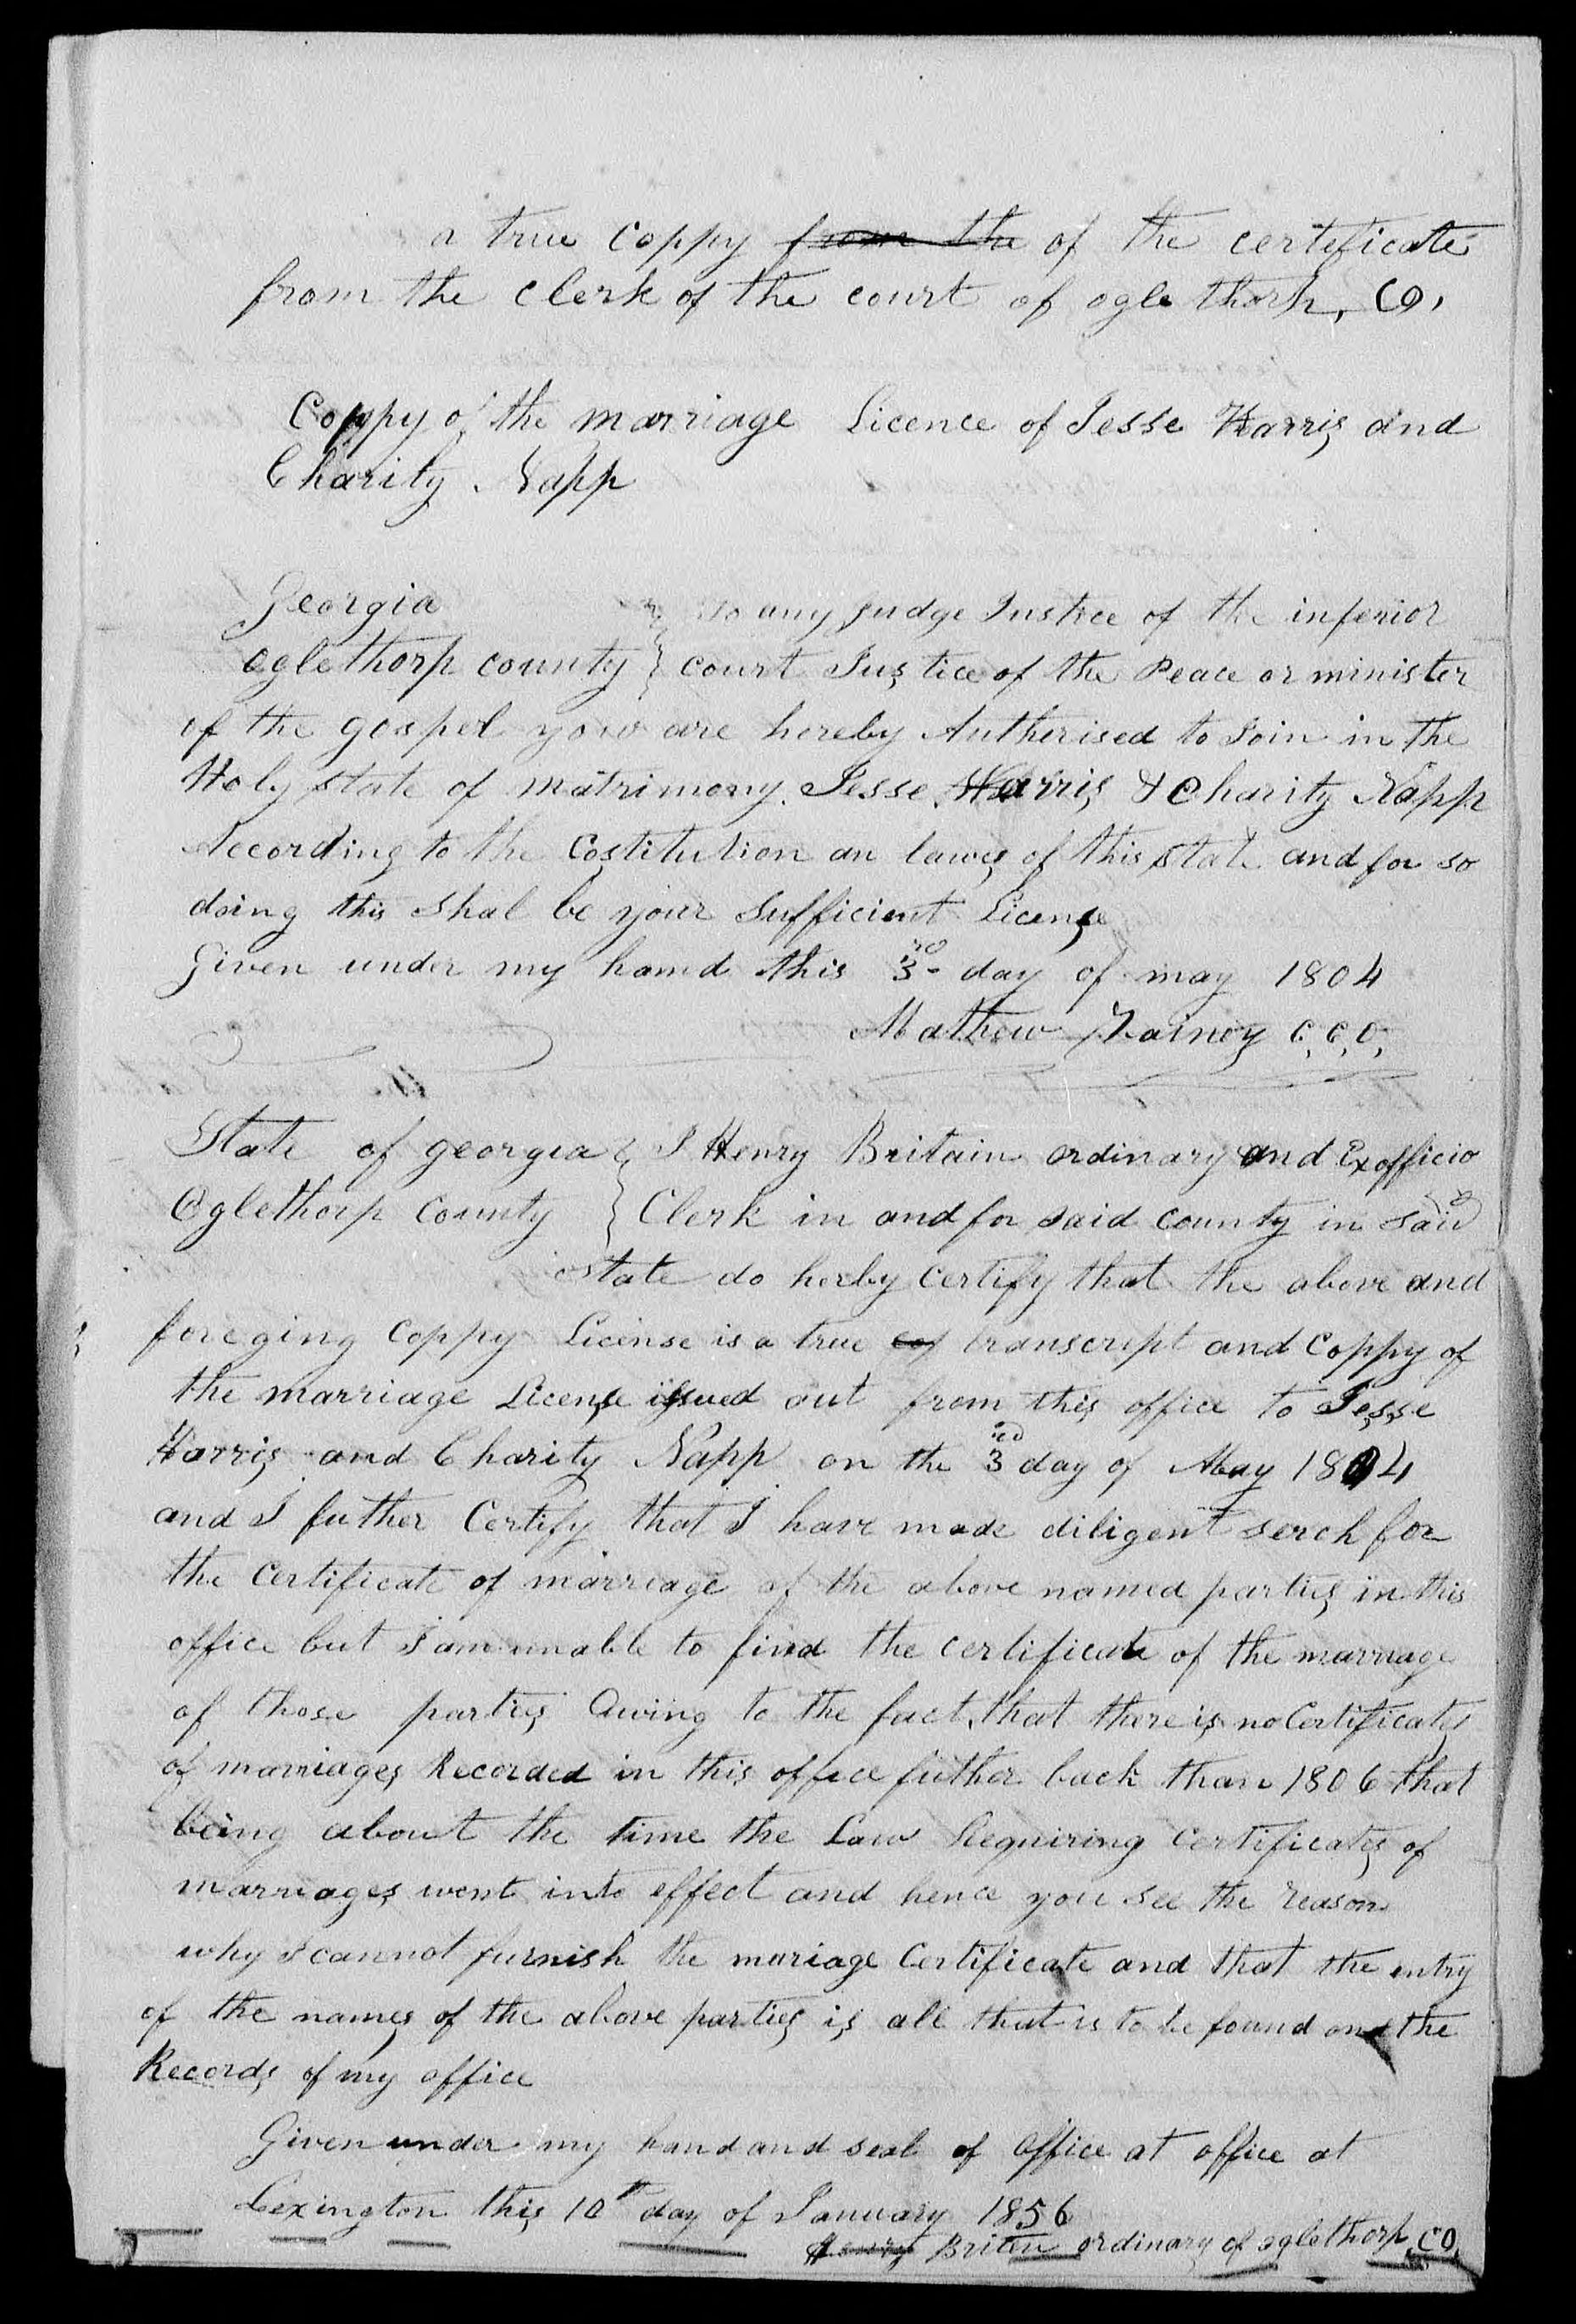a true coppy of the certificate from the clerk of the court of oglethorp, Co.

Copy of the marriage license of Jesse Harris, and Charity Napp

Georgia Oglethorp County }
To any Judge Justice of the inferior court Justice of the Peace or minister of the gospel you are hereby Authorised to Join in the Holy state of matrimony Jesse Harris & Charity Napp According to the Co[n]stitution an laws of this state and for so doing this shall be your Sufficient License  
Given under my hand this 3rd day of may 1804
[signed] Matthew Zainoy C.C.O.

State of Georgia Oglethorp County }
I Henry Britain ordinary and Exofficio Clerk in and for said county in said state do hereby Certify that the above and foregoing Coppy License is a true transcript and Coppy of the marriage License issued out from this office to Jesse Harris and Charity Napp on the 3rd day of May 1804 and I  further Certify that I have made diligent search for the Certificate of marriage of the above named parties in this office but I am unable to find the certificate of the marriage of those parties owing to the fact that there is no certificate of marriage recorded in this office further back than 1806 that being about the time the Law Requiring certificates of marriages went into effect and hence you see the reason why I cannot furnish the marriage Certificate and that the entry of the names of the above parties is all that is to be found on the records of my office
Given under my hand and seal of office at Lexington this 10th day of January 1856
[signed] Henry Briten ordinary of oglethorp co.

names: Henry Briten, Jesse Harris, Charity Napp, Jesse Harris, Henry Britain, Jesse Harris, Charity Napp, Mathew Zainoy, Charity Napp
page: 3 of 32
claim: rejected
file: R. 4655, Jesse Harris, N.C.